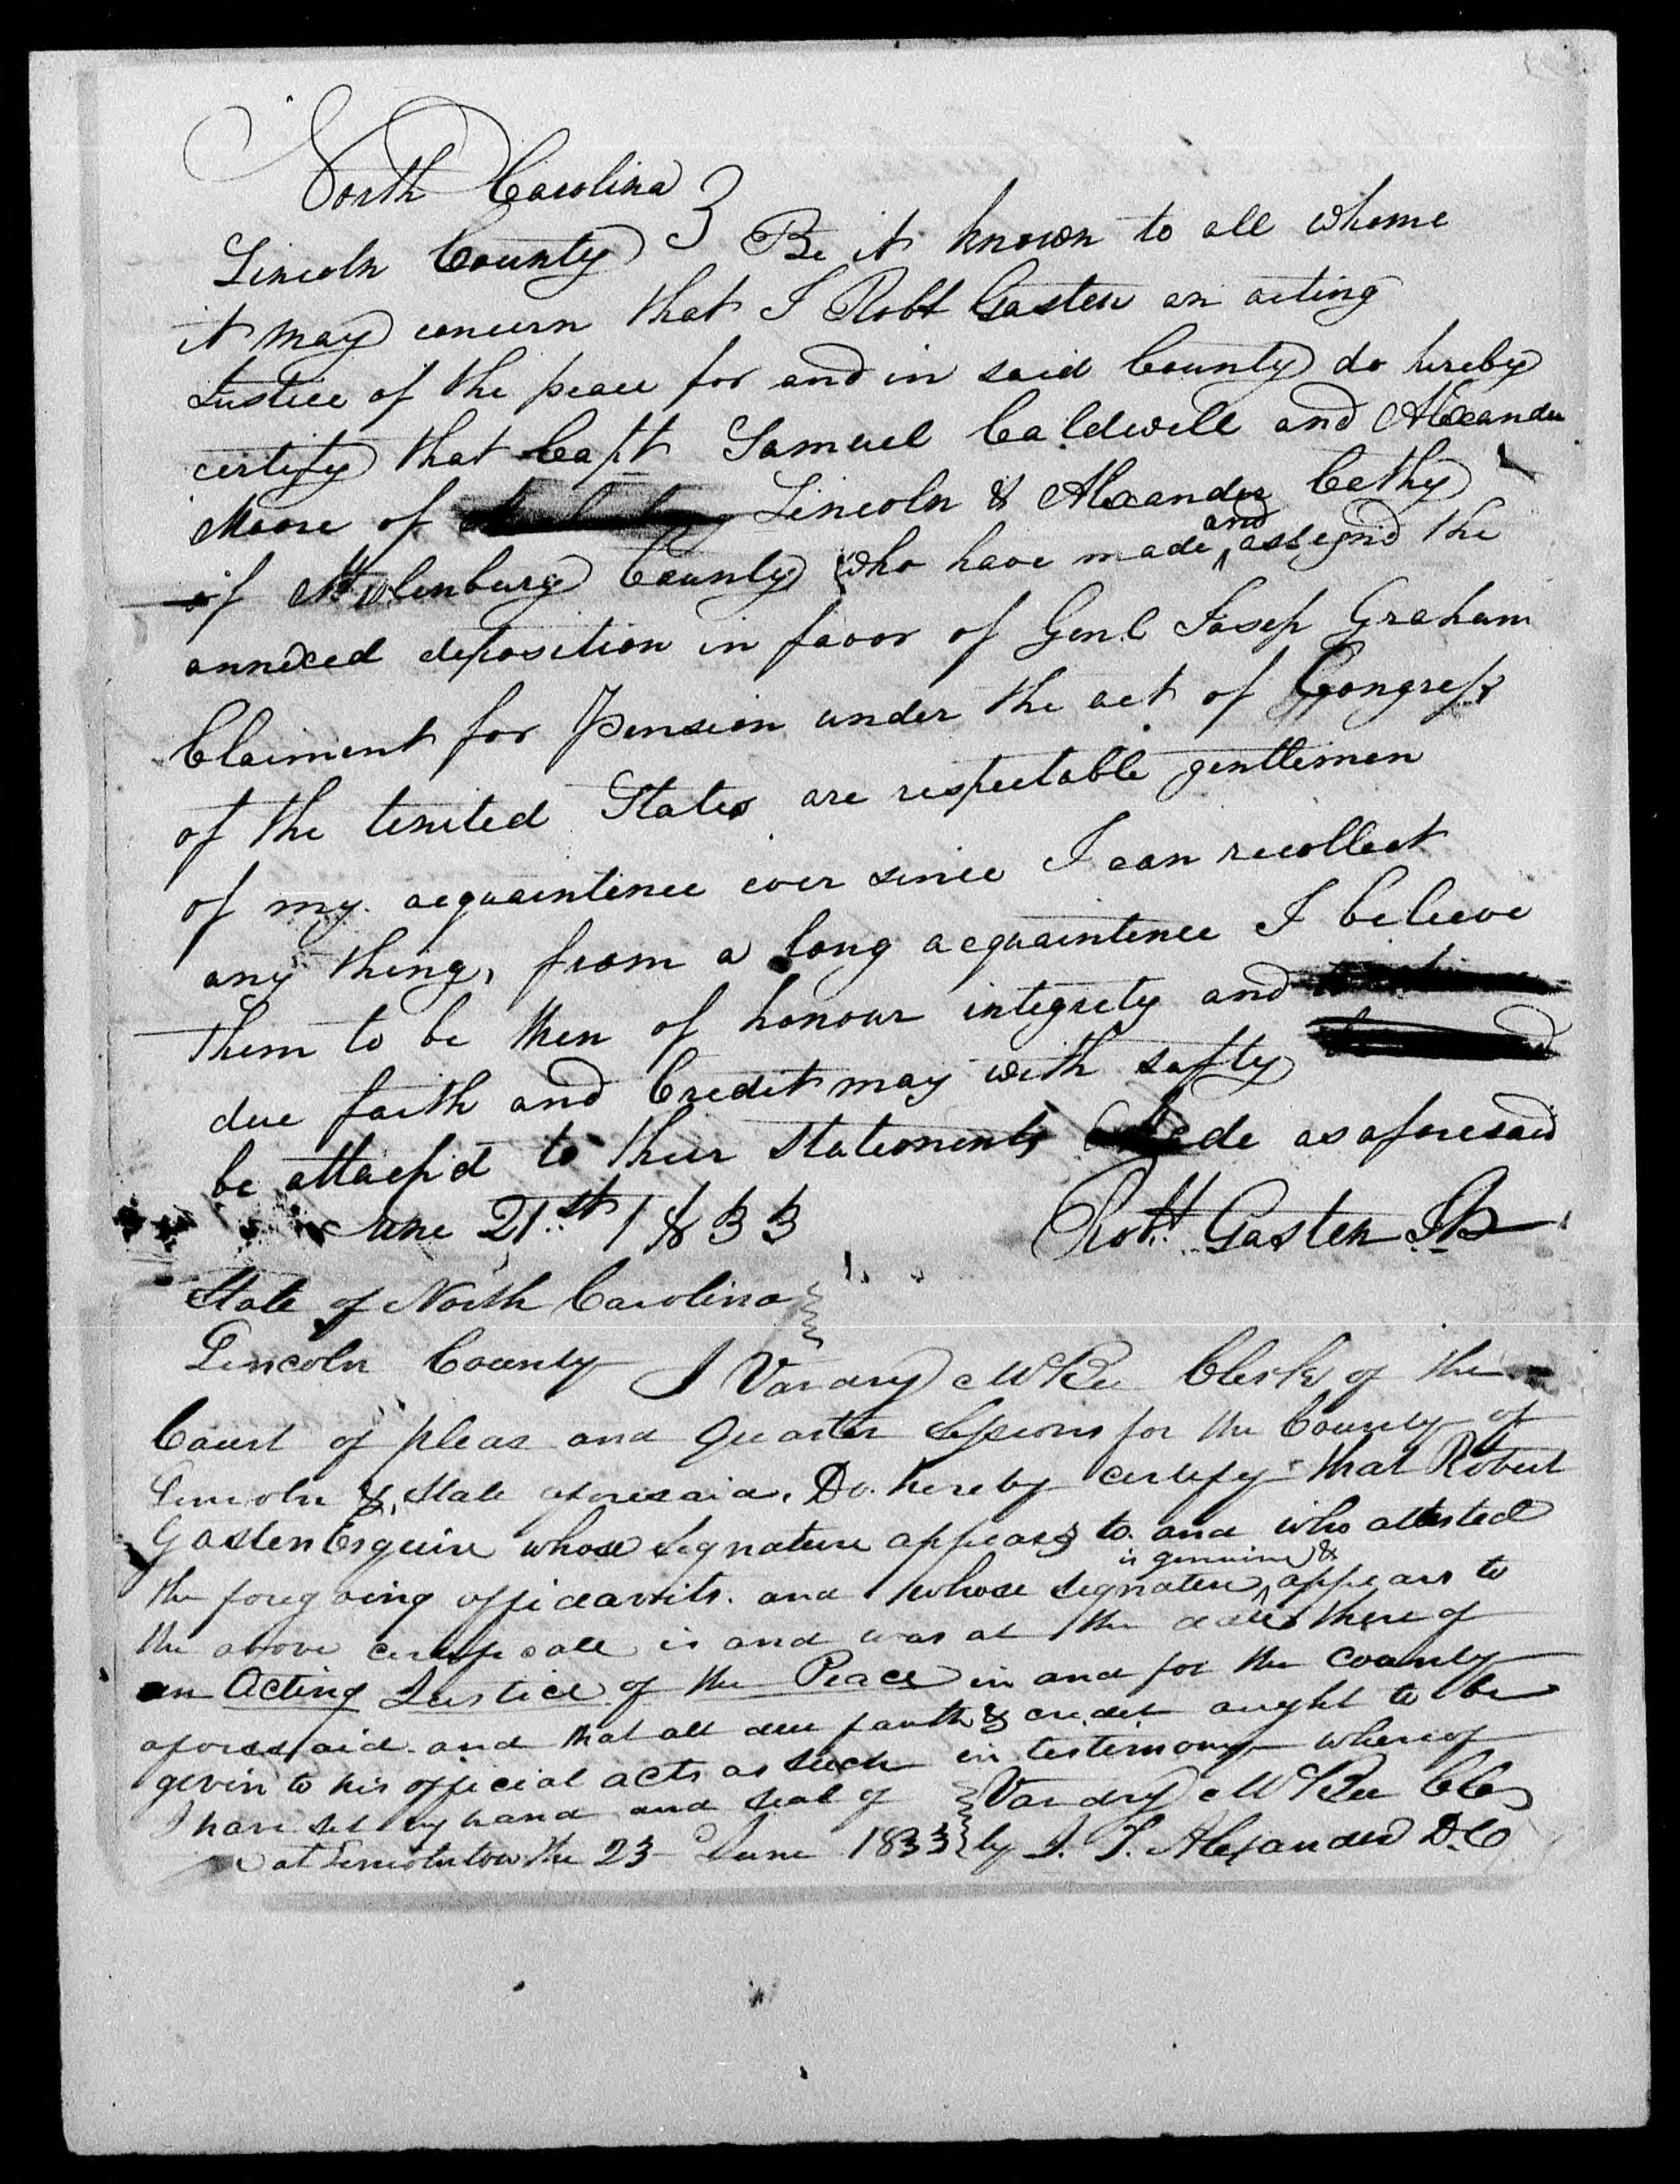North Carolina}
Lincoln County} Be it known to all whom it may concern that I Robt. Gasten an acting Justice of the peace for and in said County do hereby certify that Capt. Samuel Caldwell and Alexander Moore of Lincoln & Alexander Cathy of Mecklenburg County who have made and assigned the annexed deposition in favor of Gen'l Joseph Graham Claiment for Pension under the act of Congress of the limited Staes are respectable gentlemen of my acquaintance even since I can recollet any thing, from a long acquaintence I believe them to be men of honour integrity and due faith and credit may with safety be attached to thier statements as aforesaid June 21st 1833
Robt. Gasten J. P.
[Signature]

State of North Carolina}
Lincoln County}
I Vardry McBee Clerk of the Court of pleas and quarter sessions for the County of Lincoln & State aforesaid, Do hereby certify that Robert Gasten Esquire whose signature appears to and who attested to the foregoing affidavits and whose signature is genuine & appears to the above certificate is and was at the date thereof an acting Justice of the Peace in and for the county aforesaid and that all due faith & credit ought to be given to his official acts as such in testimony whereof I have set my hand and seal of  at Lincolnton the 23rd June 1833.
Vardry McBee Clerk
by J. T. Alexander D. C.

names: J T Alexander, Vardry Mc Bee, Lincoln Cathy, Alexander Moore, Samuel Caldwell, Robert Gasten, Vardry Mc Bee, Robt Gasten, Robt Gasten, Alexander Cathy, Josep Graham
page: 48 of 55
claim: survivor's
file: S. 6,937, Joseph Graham, N.C.